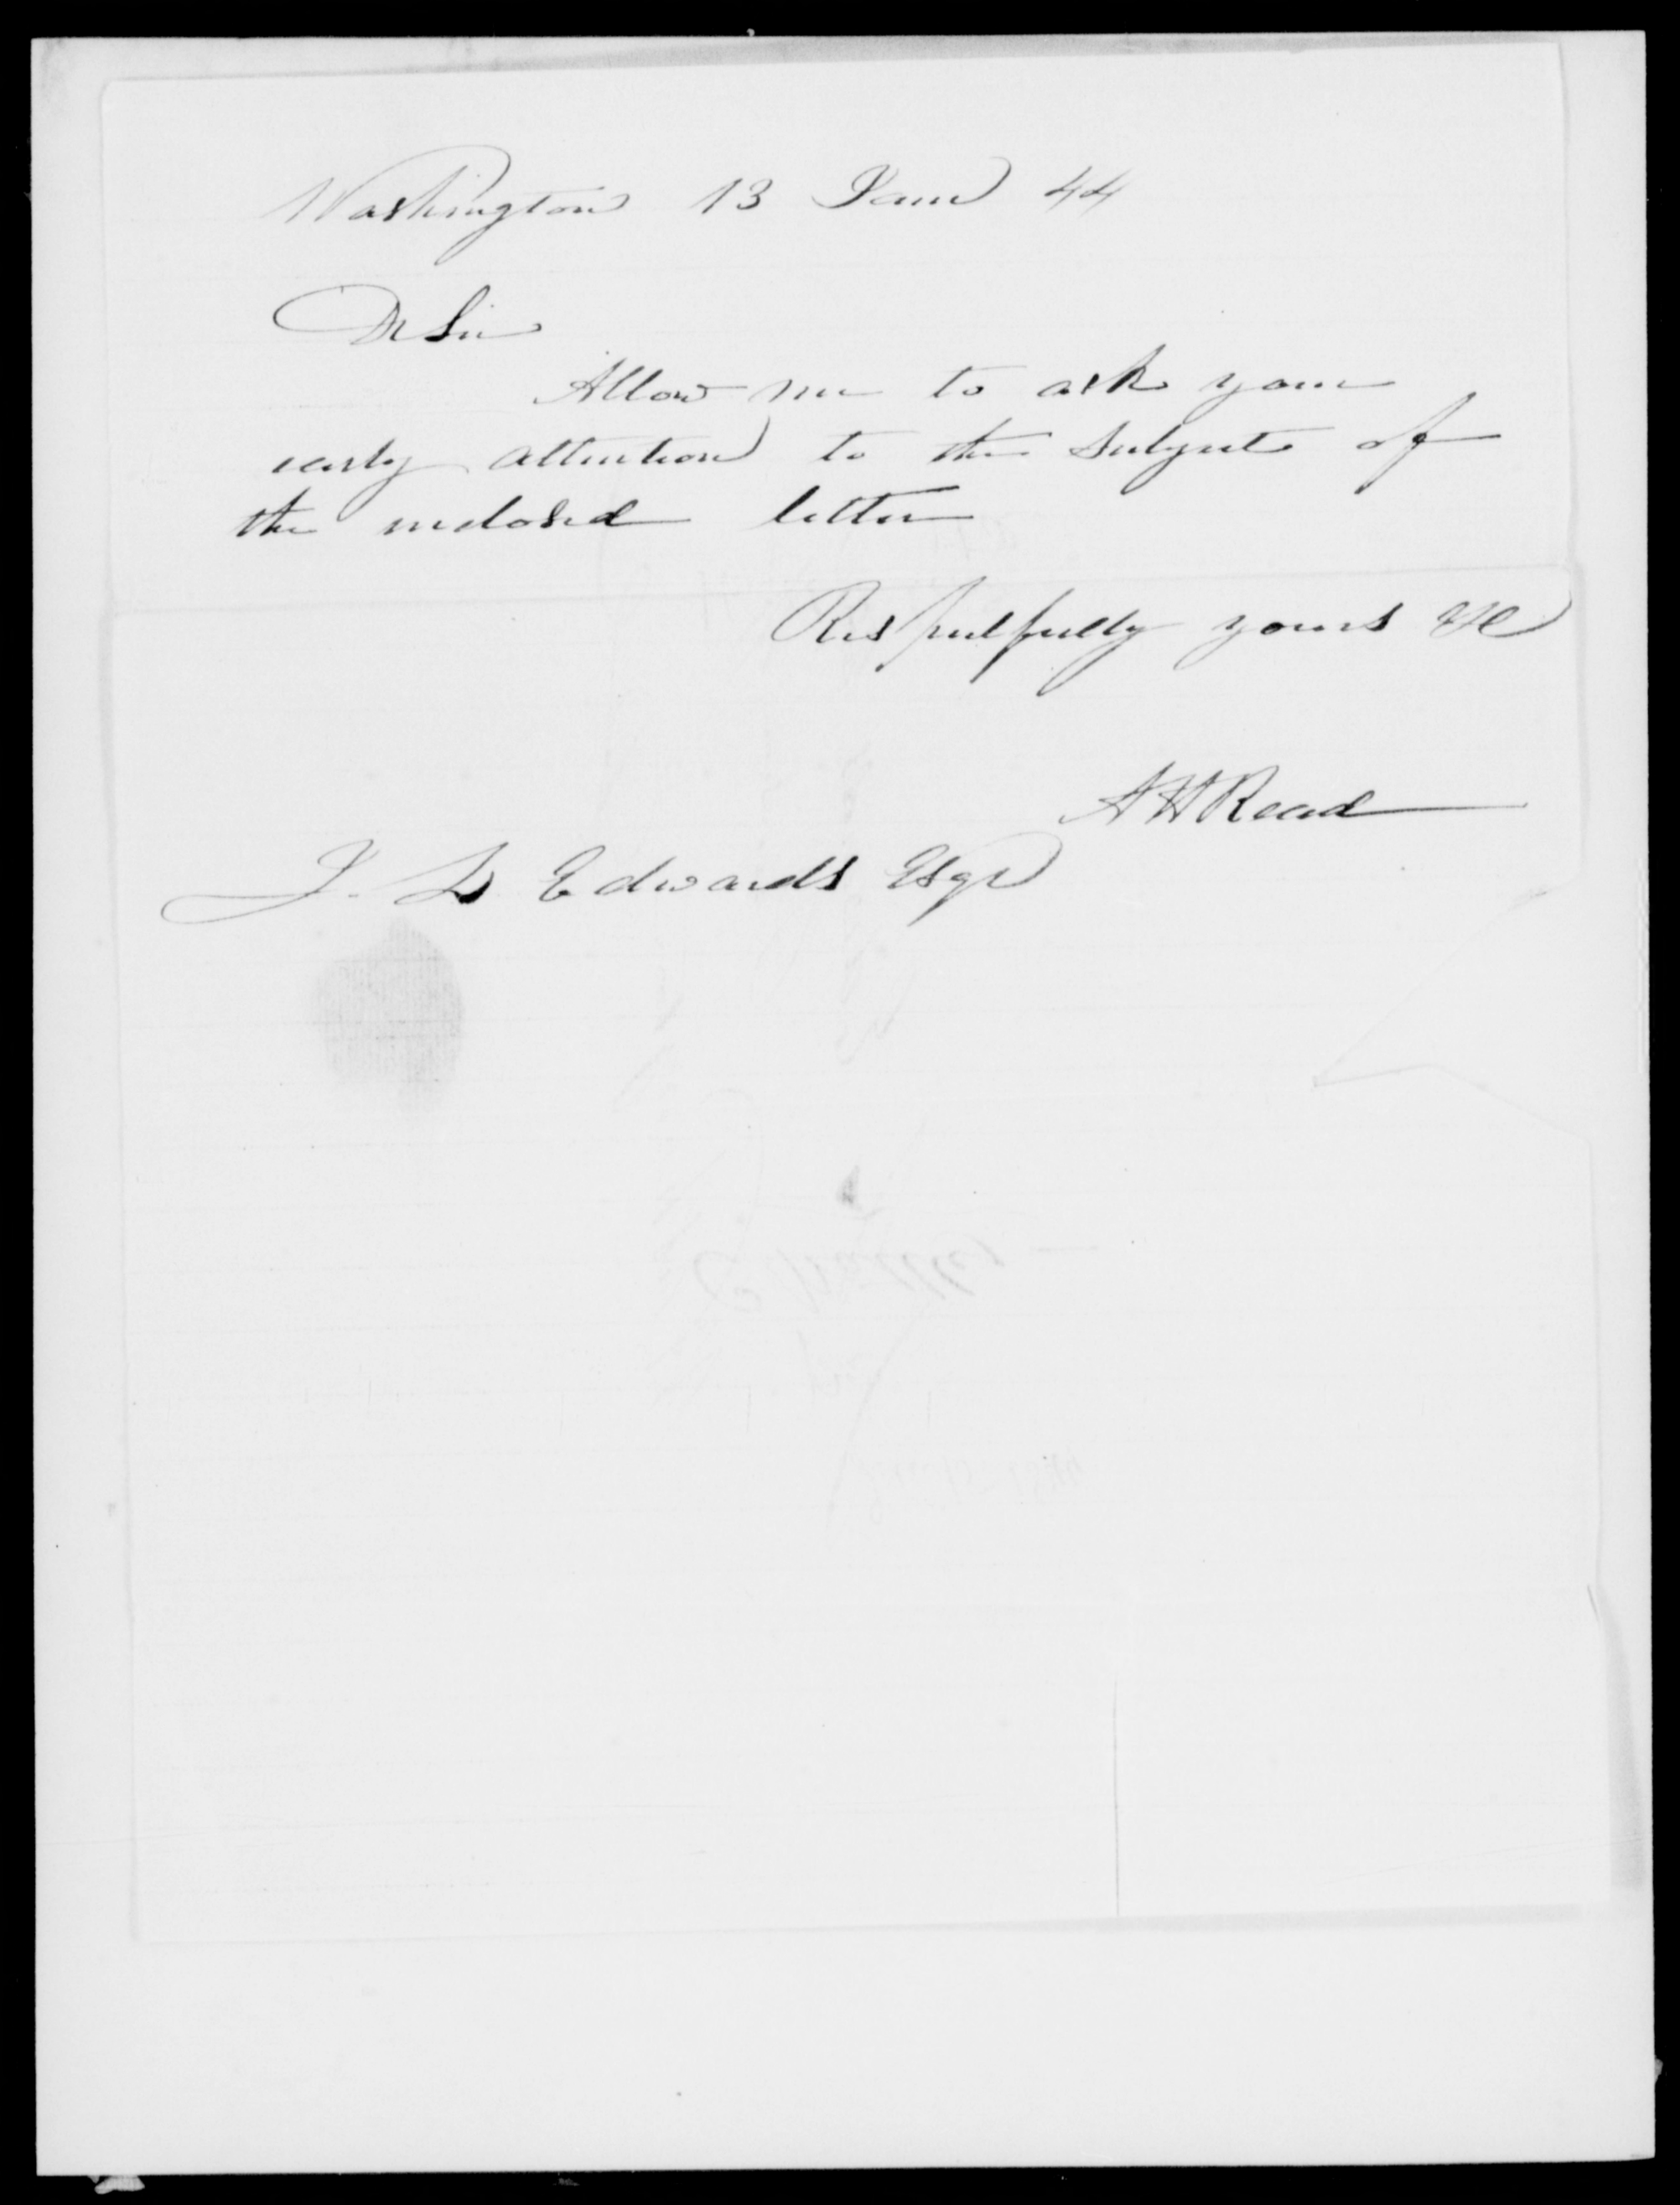Washington  13 June 44

Dear Sir

Allow me to ask your early attention to the subject of the enclosed letter.

Respectfully yours  [   ]

A H Read

J. L. Edwards Esq.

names: A H Read, J L Edwards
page: 45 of 70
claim: widow's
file: W. 3743, Dan Wattles, Conn.